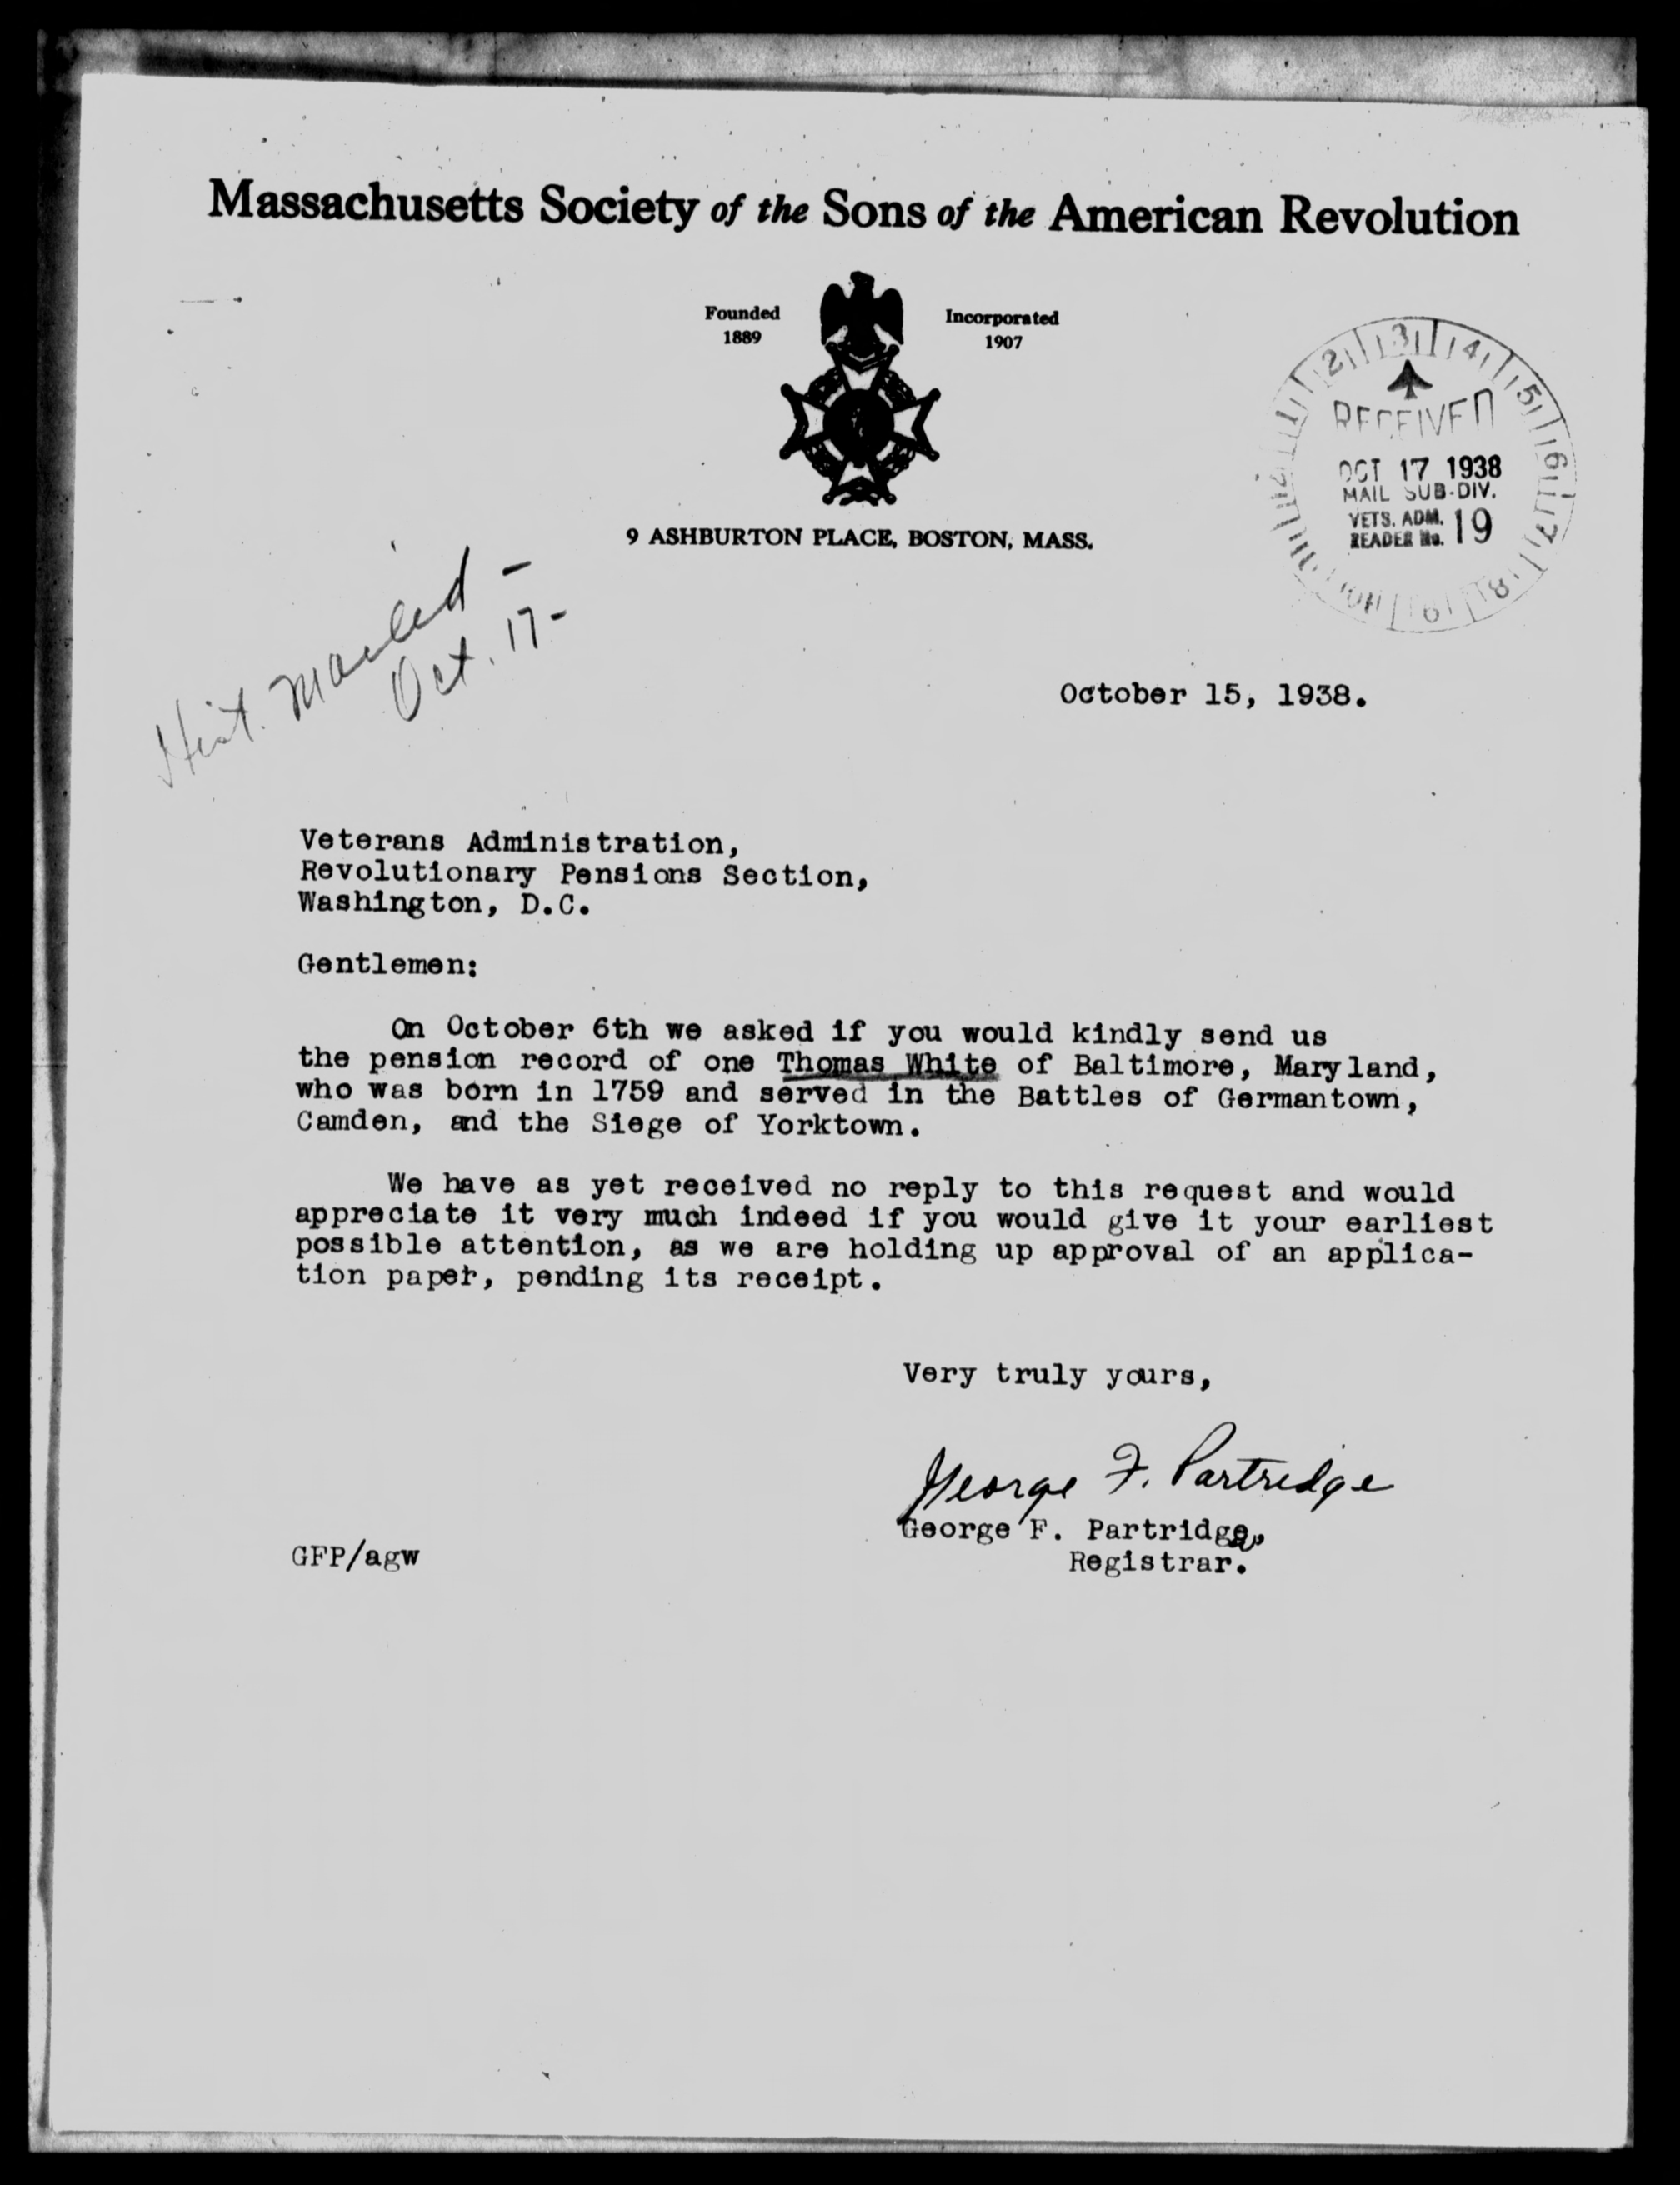Massachusetts Society of the Sons of the American Revolution

Founded [Seal of Massachusetts Society] Incorporated
1889 | 1907

9 ASHBURTON PLACE, BOSTON, MASS.

[Circular time and mail receipt stamp]
Arrow pointing to 3
RECEIVED
OCT 17 1938
MAIL SUB-DIV
VETS. ADM.
READER. NO. 19

[Note] Hist. mailed -
Oct. 17 

October 15, 1938.

Veterans Administration
Revolutionary Pensions Section, 
Washington, D.C.

Gentlemen:

On October 6th we asked if you would kindly send us 
the pension record of one Thomas White of Baltimore, Maryland, 
who was born in 1759 and served in the Battles of Germantown, 
Camden, and the Siege of Yorktown.

We have as yet received no reply to this request and would 
appreciate it very much indeed if you would give it your earliest 
possible attention, as we are holding up approval of an applica
tion paper, pending its receipt.

Very truly yours, 

George F. Partridge,
Registrar.

GFP/agw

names: Thomas White, George F Partridge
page: 30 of 43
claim: survivor's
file: S. 15240, Thomas White, Md.